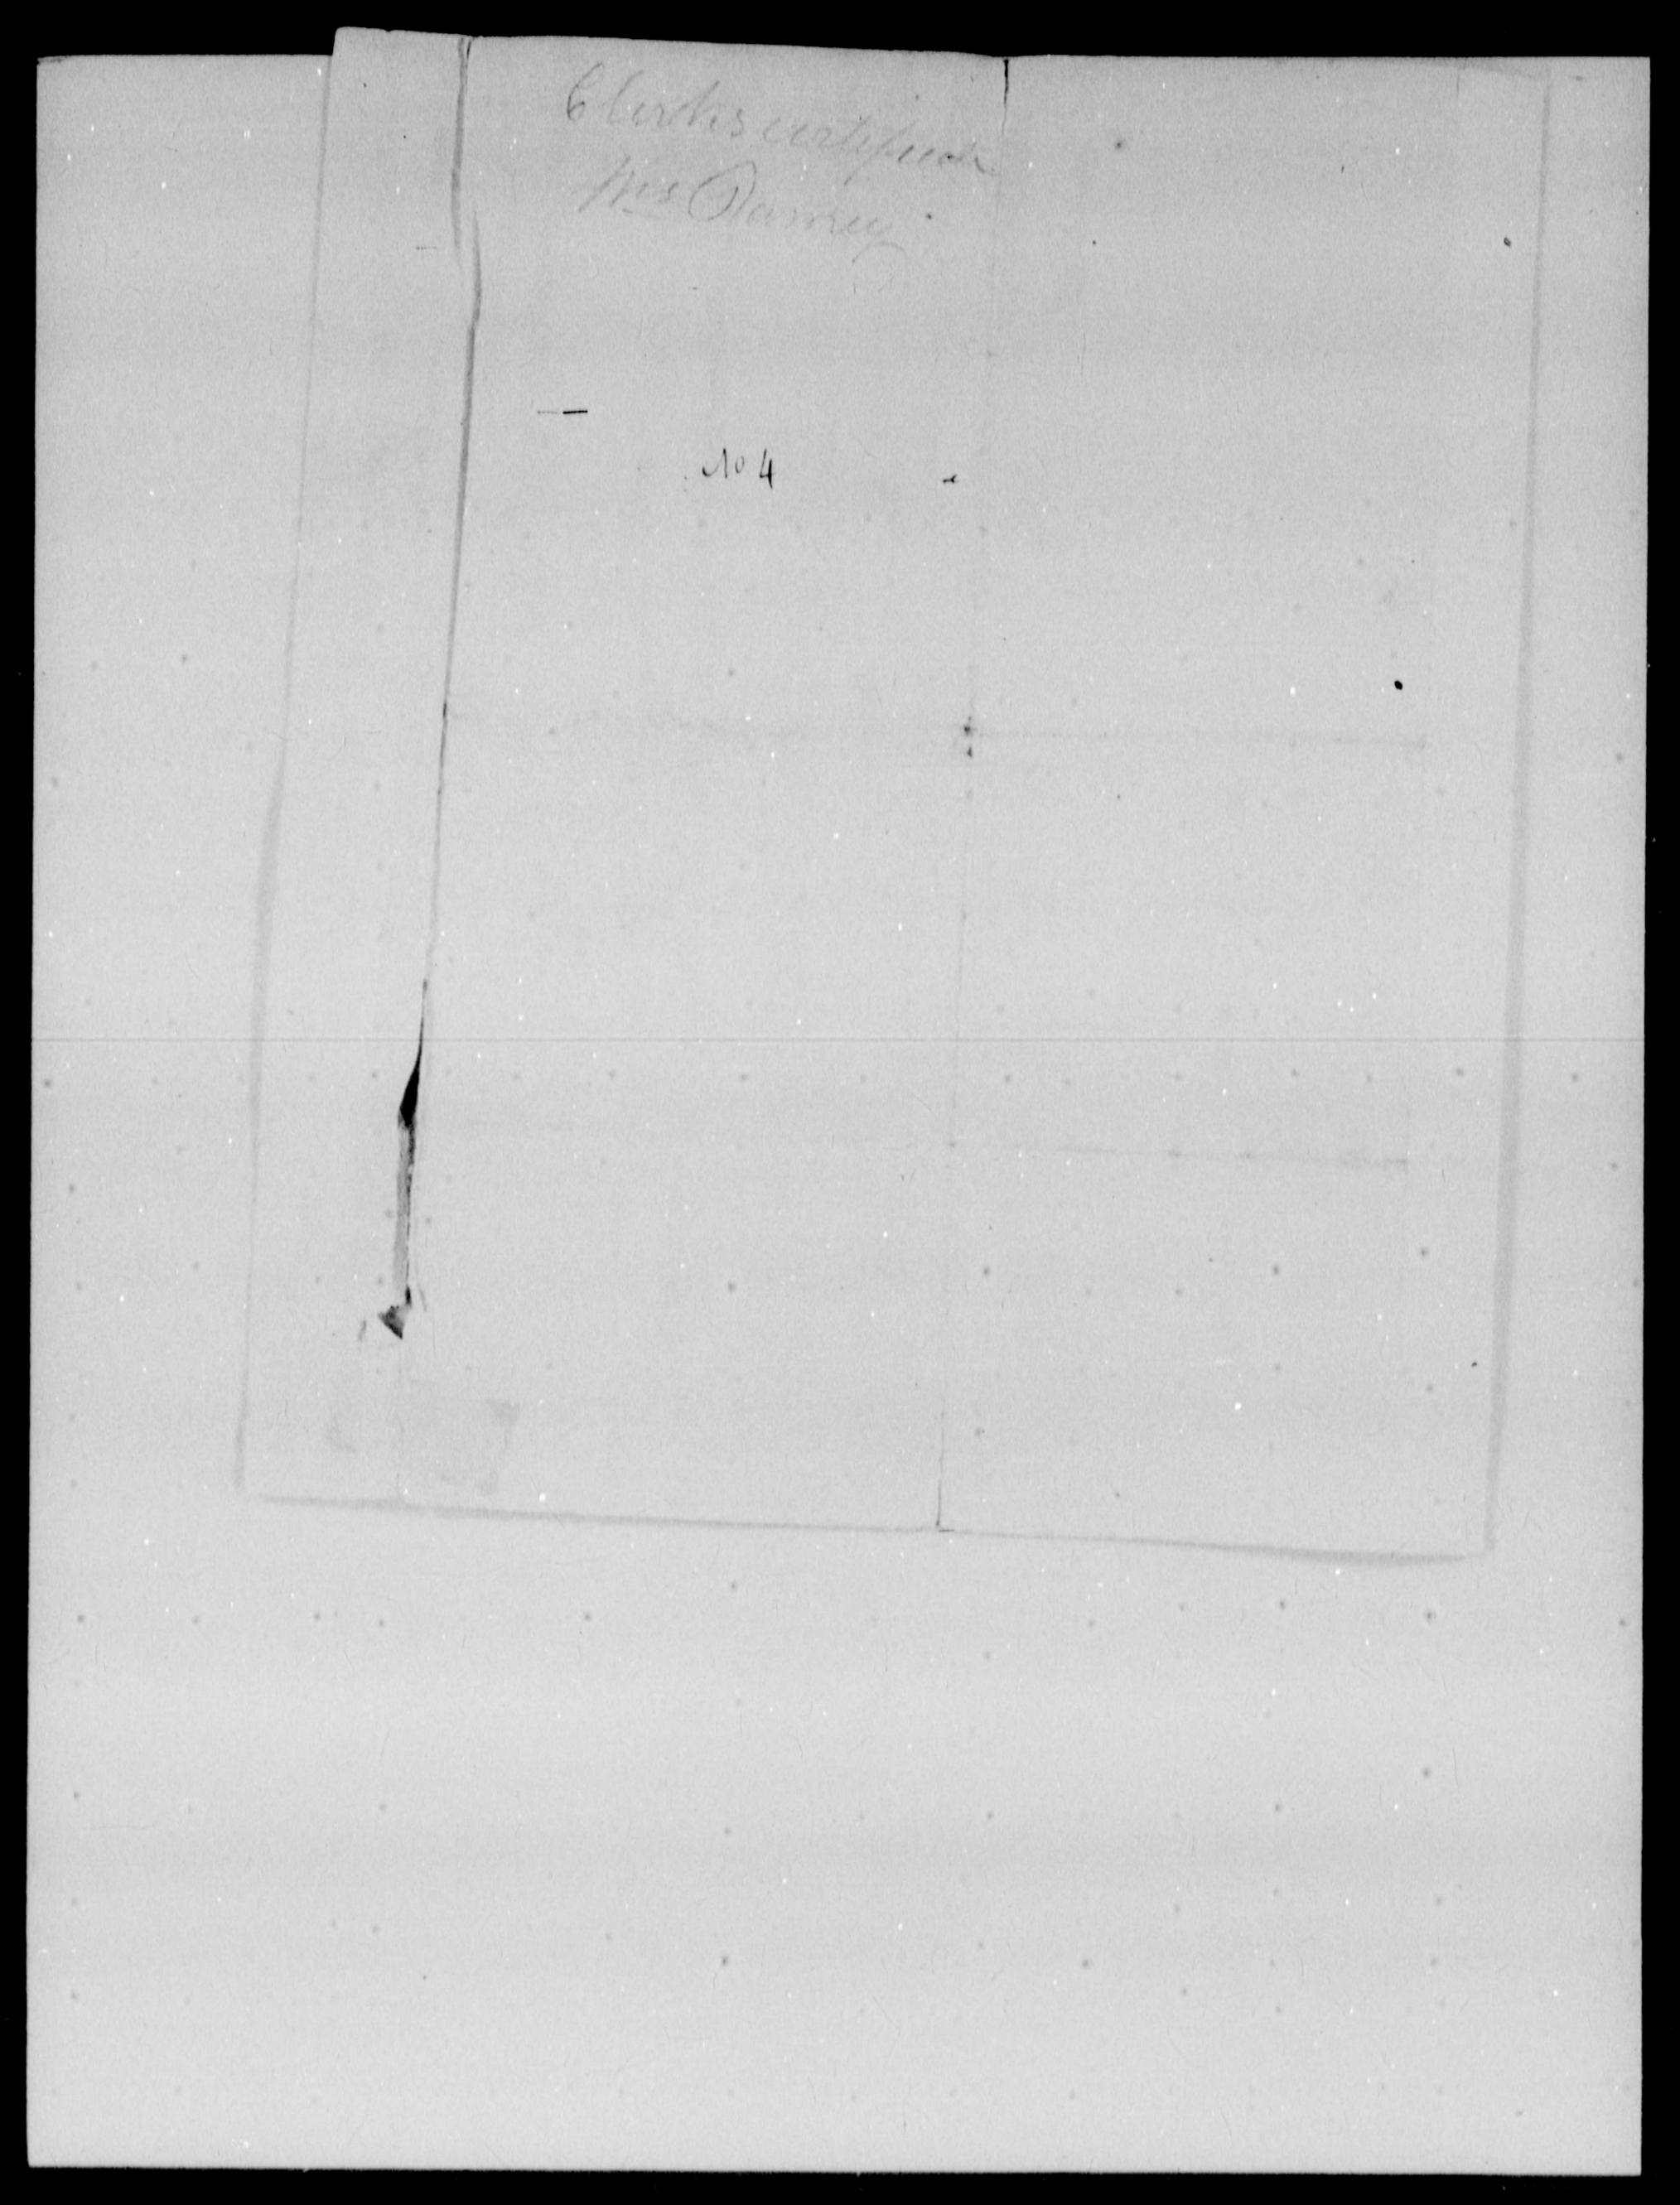Clerks certificate
Mrs. Ramey
No 4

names: [BLANK] Ramey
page: 69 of 84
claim: widow's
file: W.11104, for John Remay, Virginia